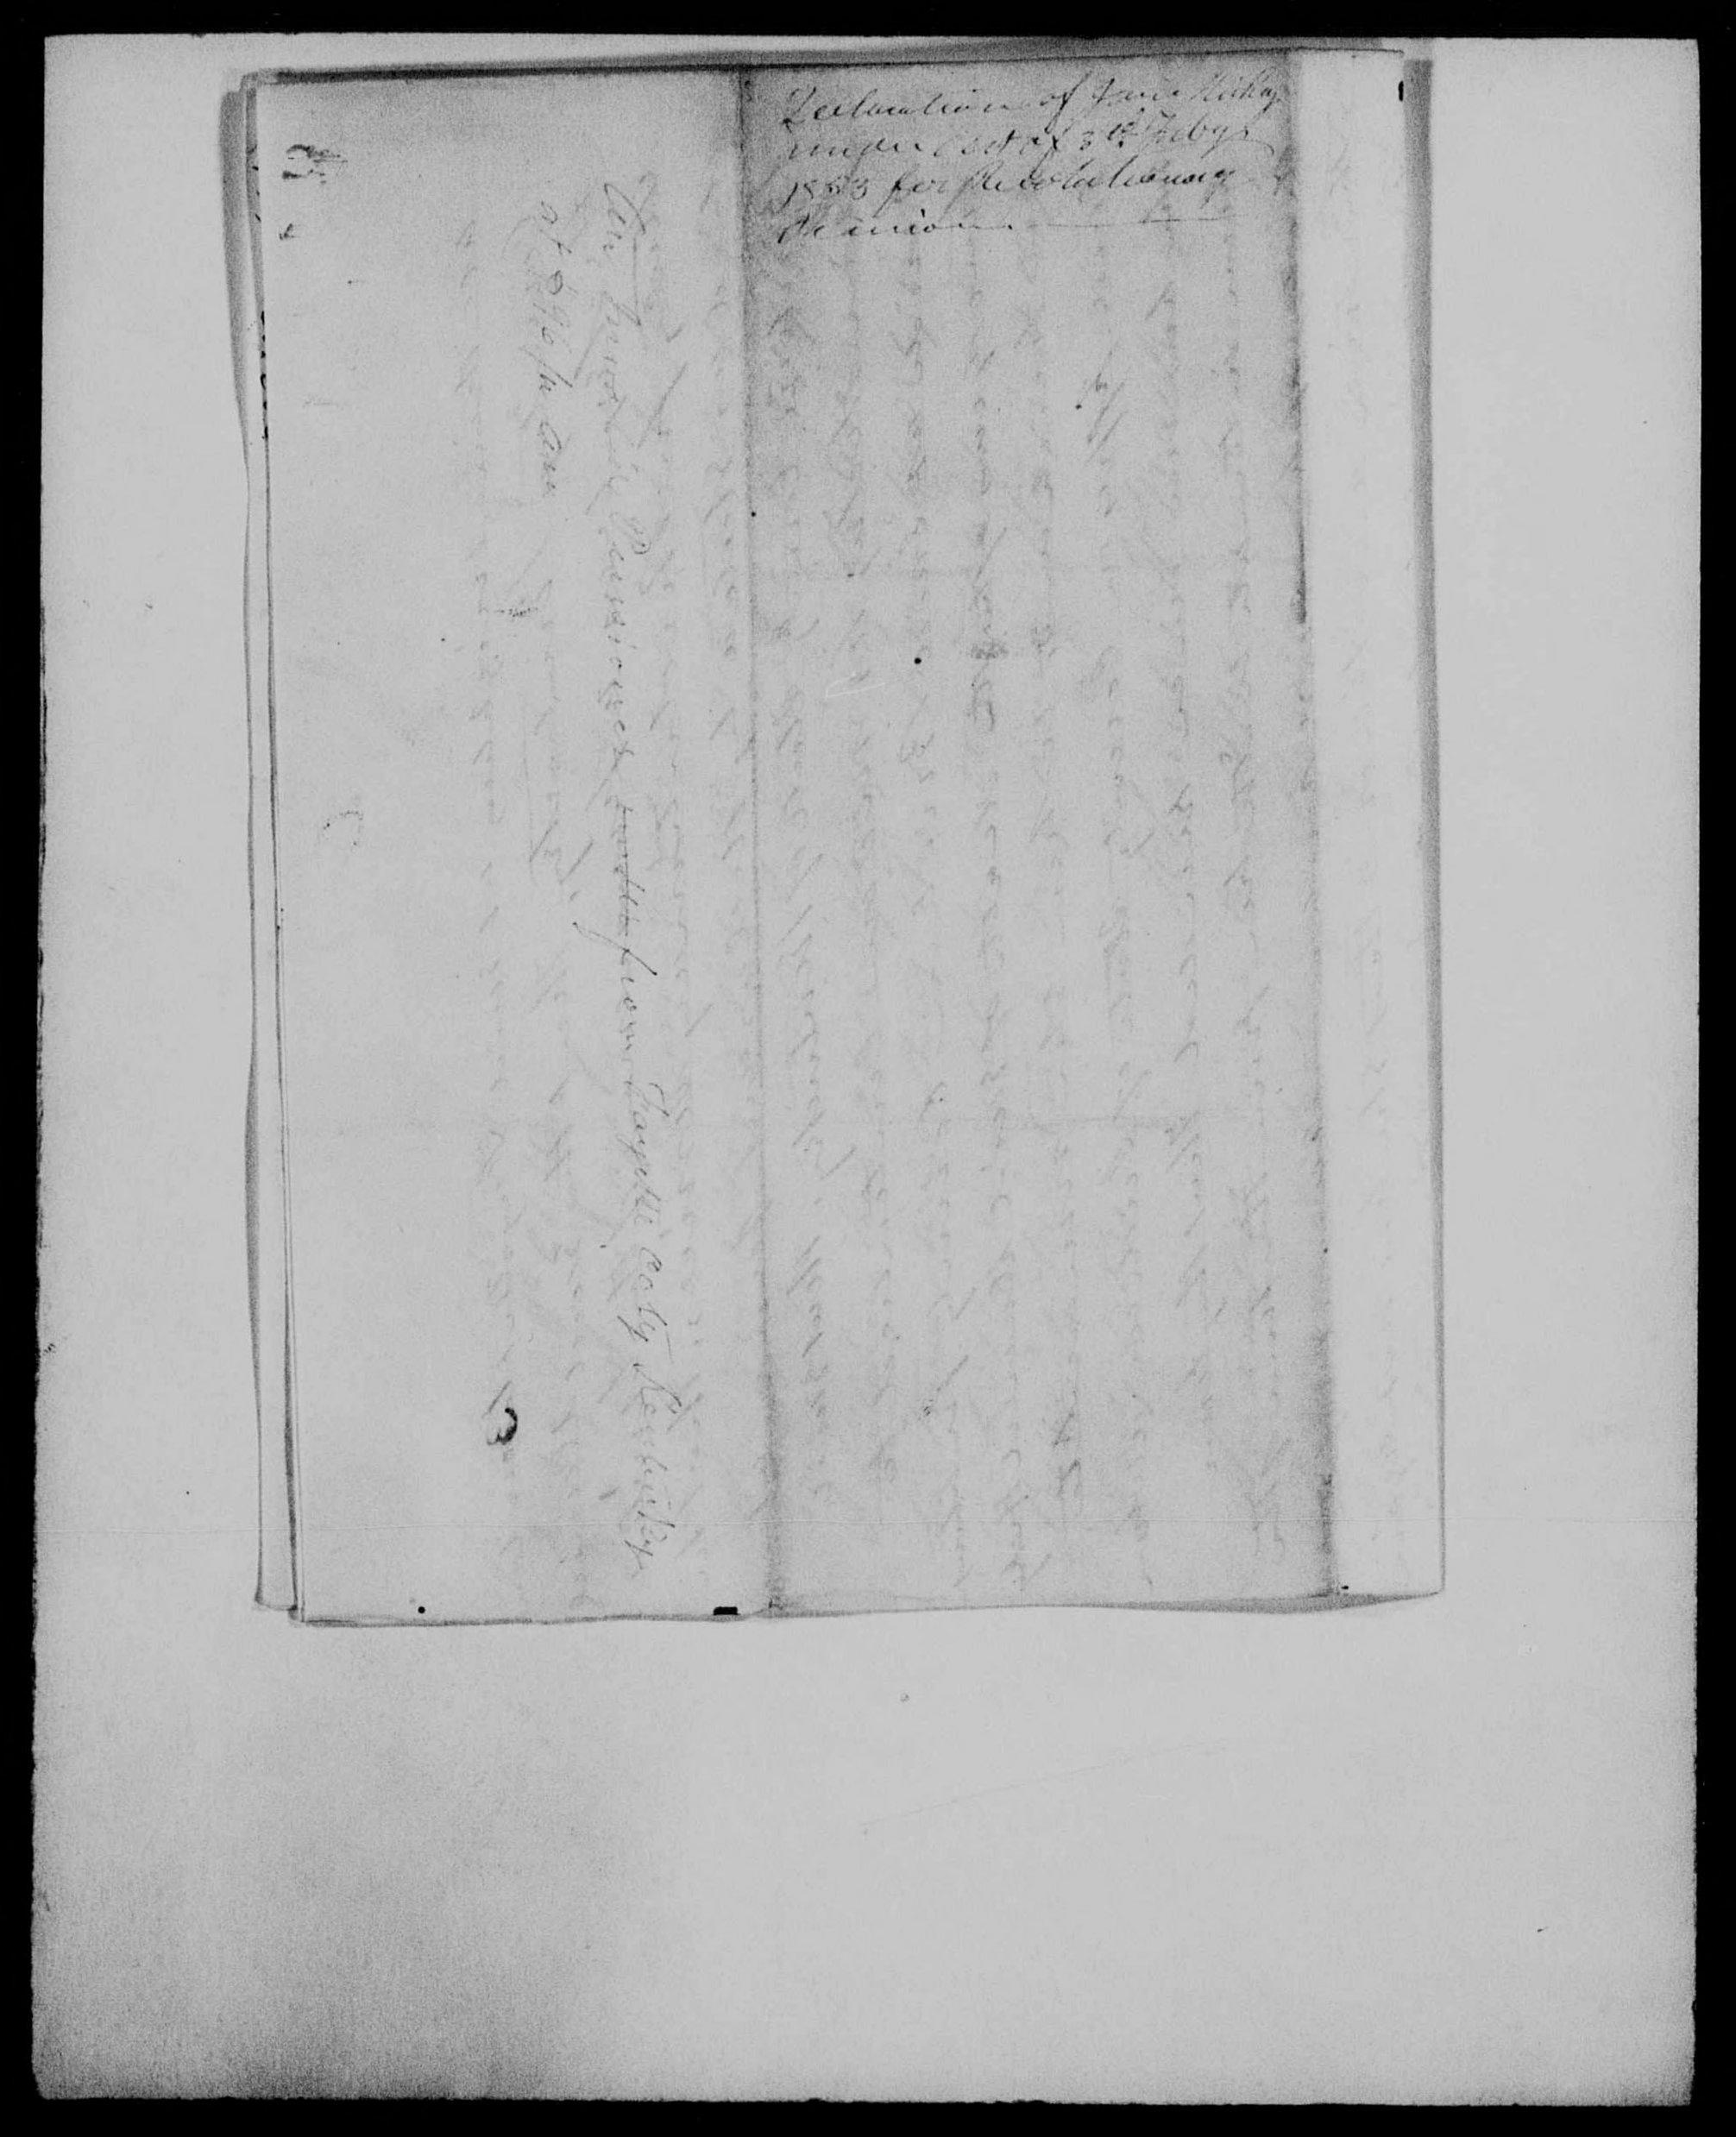Declaration of Jane Hickey under Act of 3rd Feby 1853 for Revolutionary Pension
An invalid pensioner under from Fayette Coty Kentucky at $96 per an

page: 41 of 84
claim: widow's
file: W. 7744, Daniel Hickey, Penn.